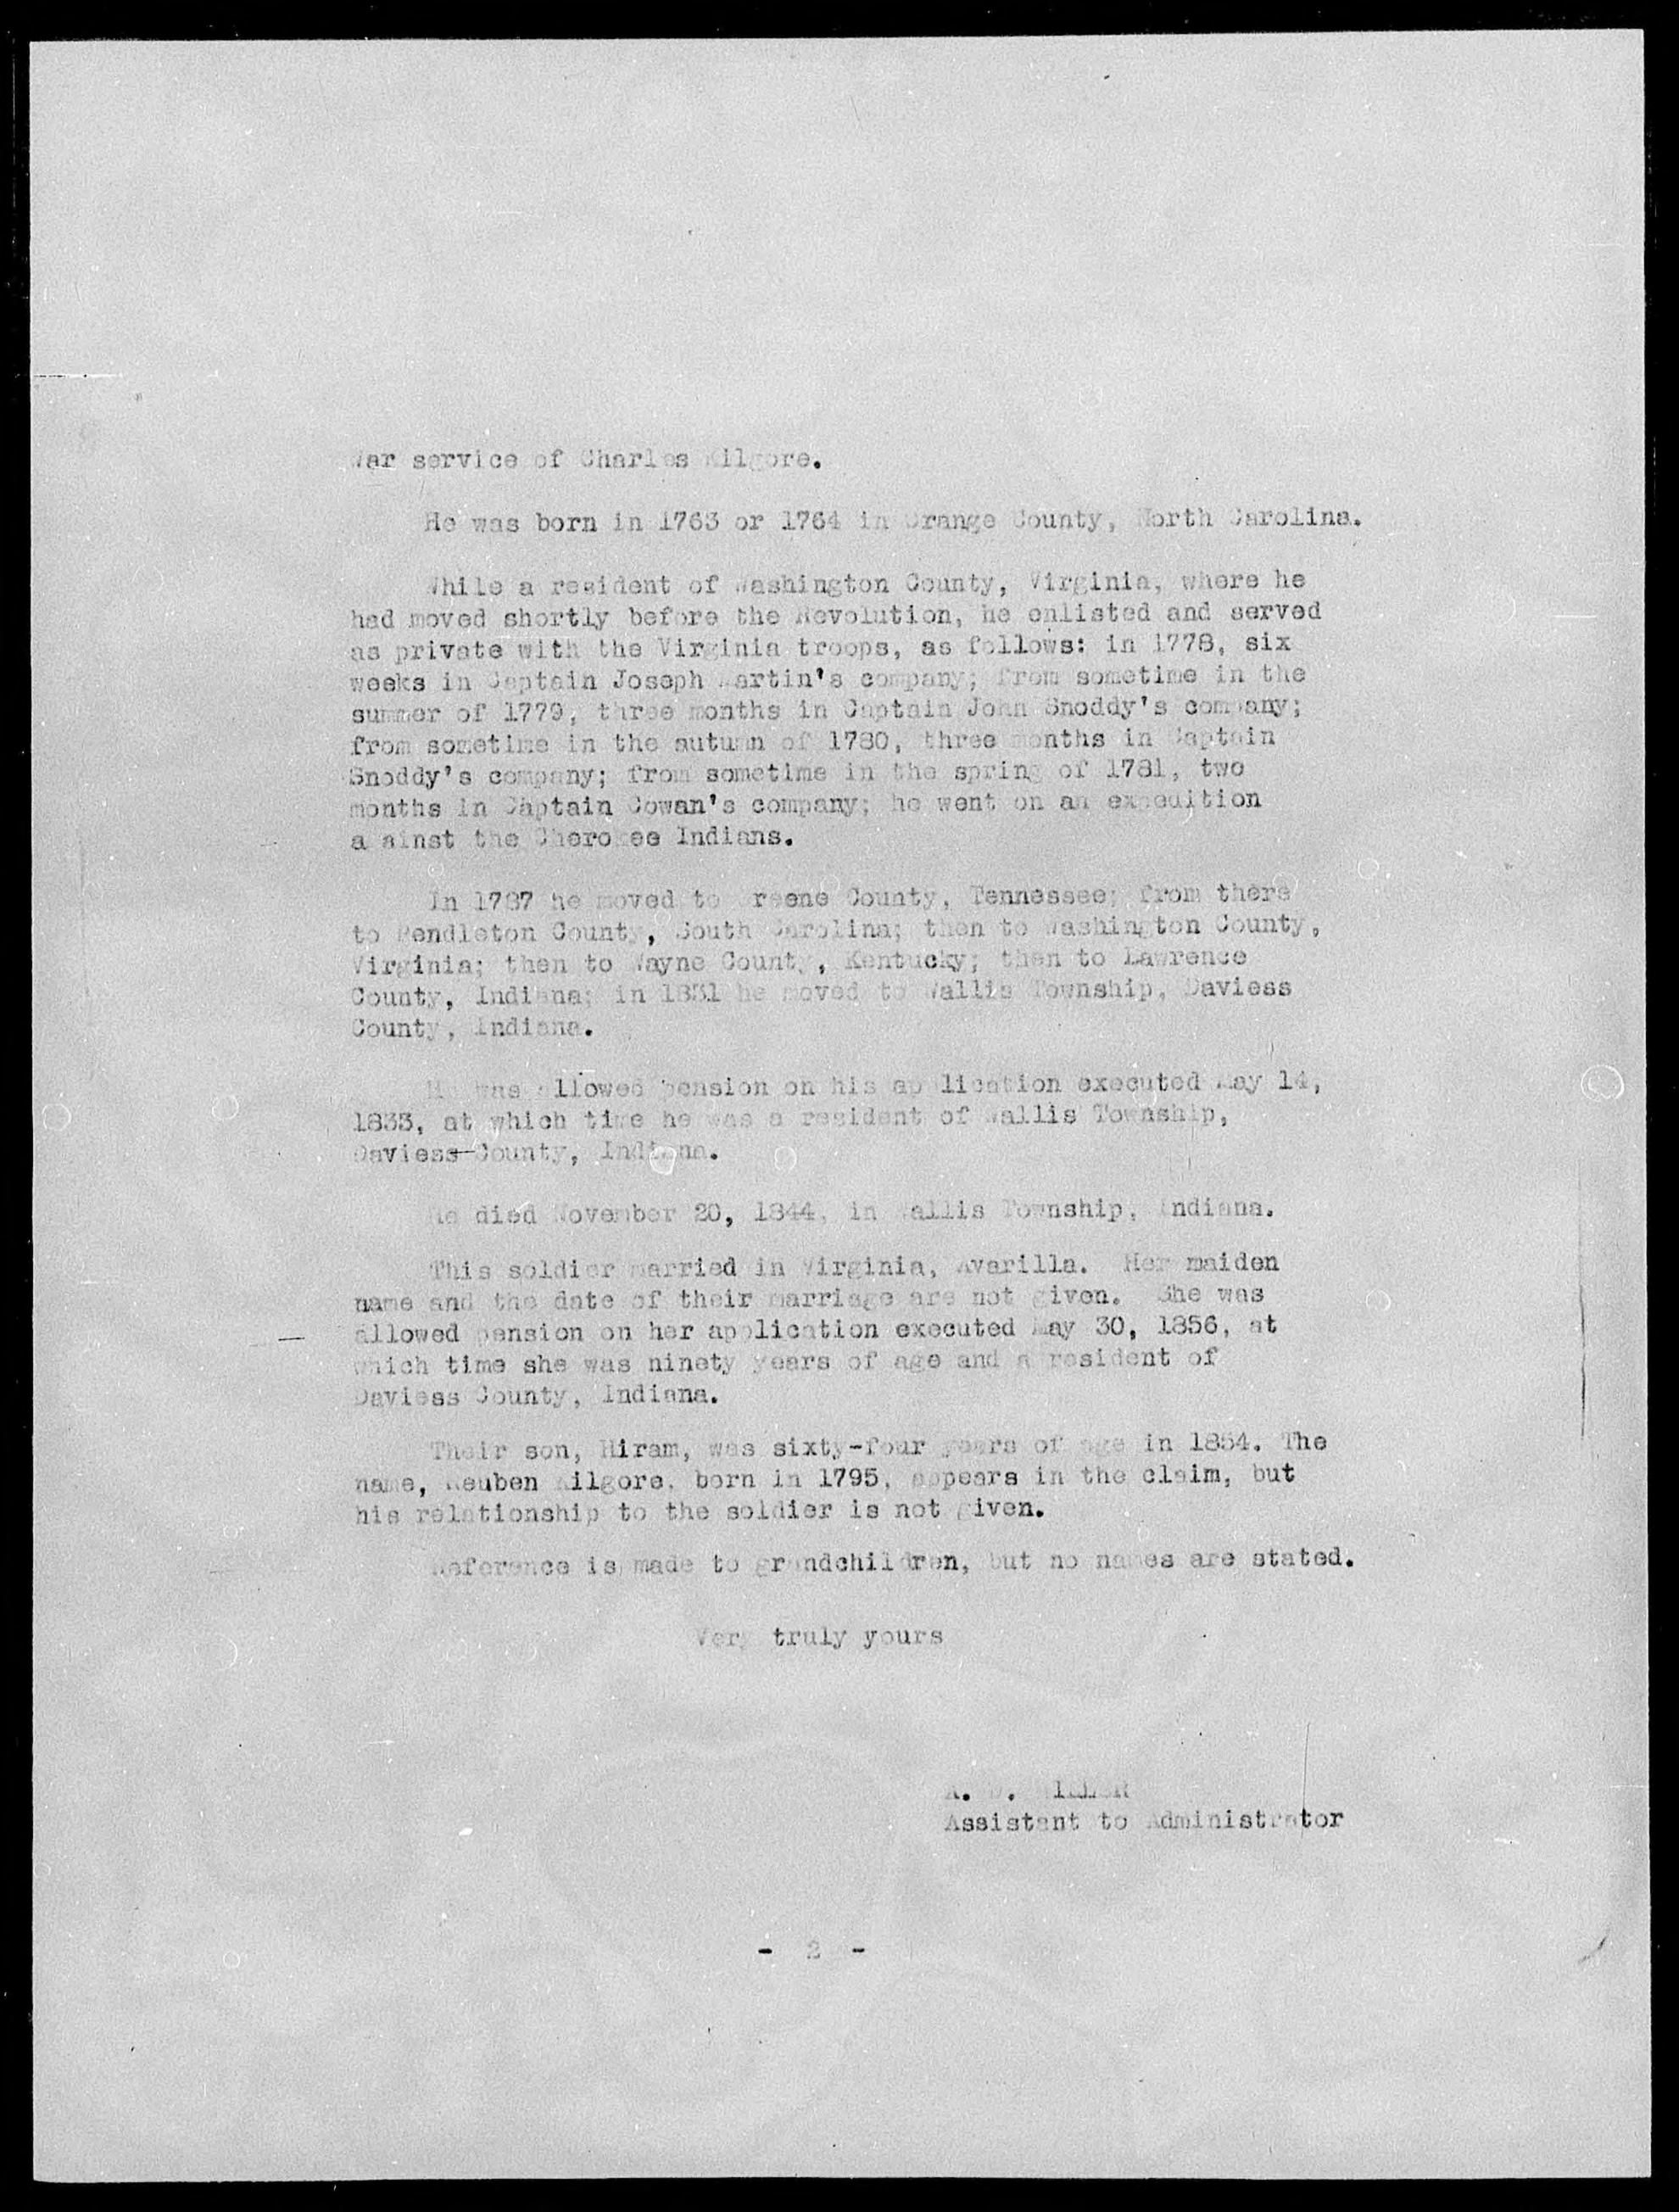War service of Charles Kilgore.
He was born in 1763 or 1764 in Orange County, North Carolina.
While a resident of Washington County, Virginia, where he had moved shortly before the Revolution, he enlisted and served as private with the Virginia troops, as follows: in 1778, six weeks in Captain Joseph Martin's company; from sometime in the summer of 1779, three months in Captain John Snoddy's company; from sometime in the automn of 1780, three months in Captain Snoddy's company; from sometime in the spring of 1782, two months in Captain Cowan's company' he went on an expedition against the Cherokee Indians.
In 1787 he moved to Greene County, Tennessee' from there to Pendleton County, South Carolina; then to Washington County, Virginia; then to Wayne County, Kentucky; then to Lawrence County, Indiana; in 1831 he moved to Wallis Township, Daviess County, Indiana.
He was allowed pension on his application executed May 14, 1833, at which time he was a resident of Wallis Township, Daviess County, Indiana.
He died November 20, 1844, in Wallis Township, Indiana.
This soldier married in Virginia, Avarilla. Her maiden name and the date of their marriage are not given. She ws allowed pension on her application executed May 30, 1856, at which time she was ninety years of age and a resident of Daviess County, Indiana.
Their son, Hiram, was sixty-four years of age in 1854. The name, Reuben Kilgore, born 1795, appears in the claim, but his relationship to the soldier is not given.
Reference is made to grandchildren, but no names are stated.
Very truly yours
A. D. HILLER
Assistant to Administrator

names: Charles Kilgore; Hiram [BLANK]; A D Hiller; Reuben Kilgore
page: 16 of 115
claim: survivor's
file: S. 699, for Charles Kilgore, Virginia